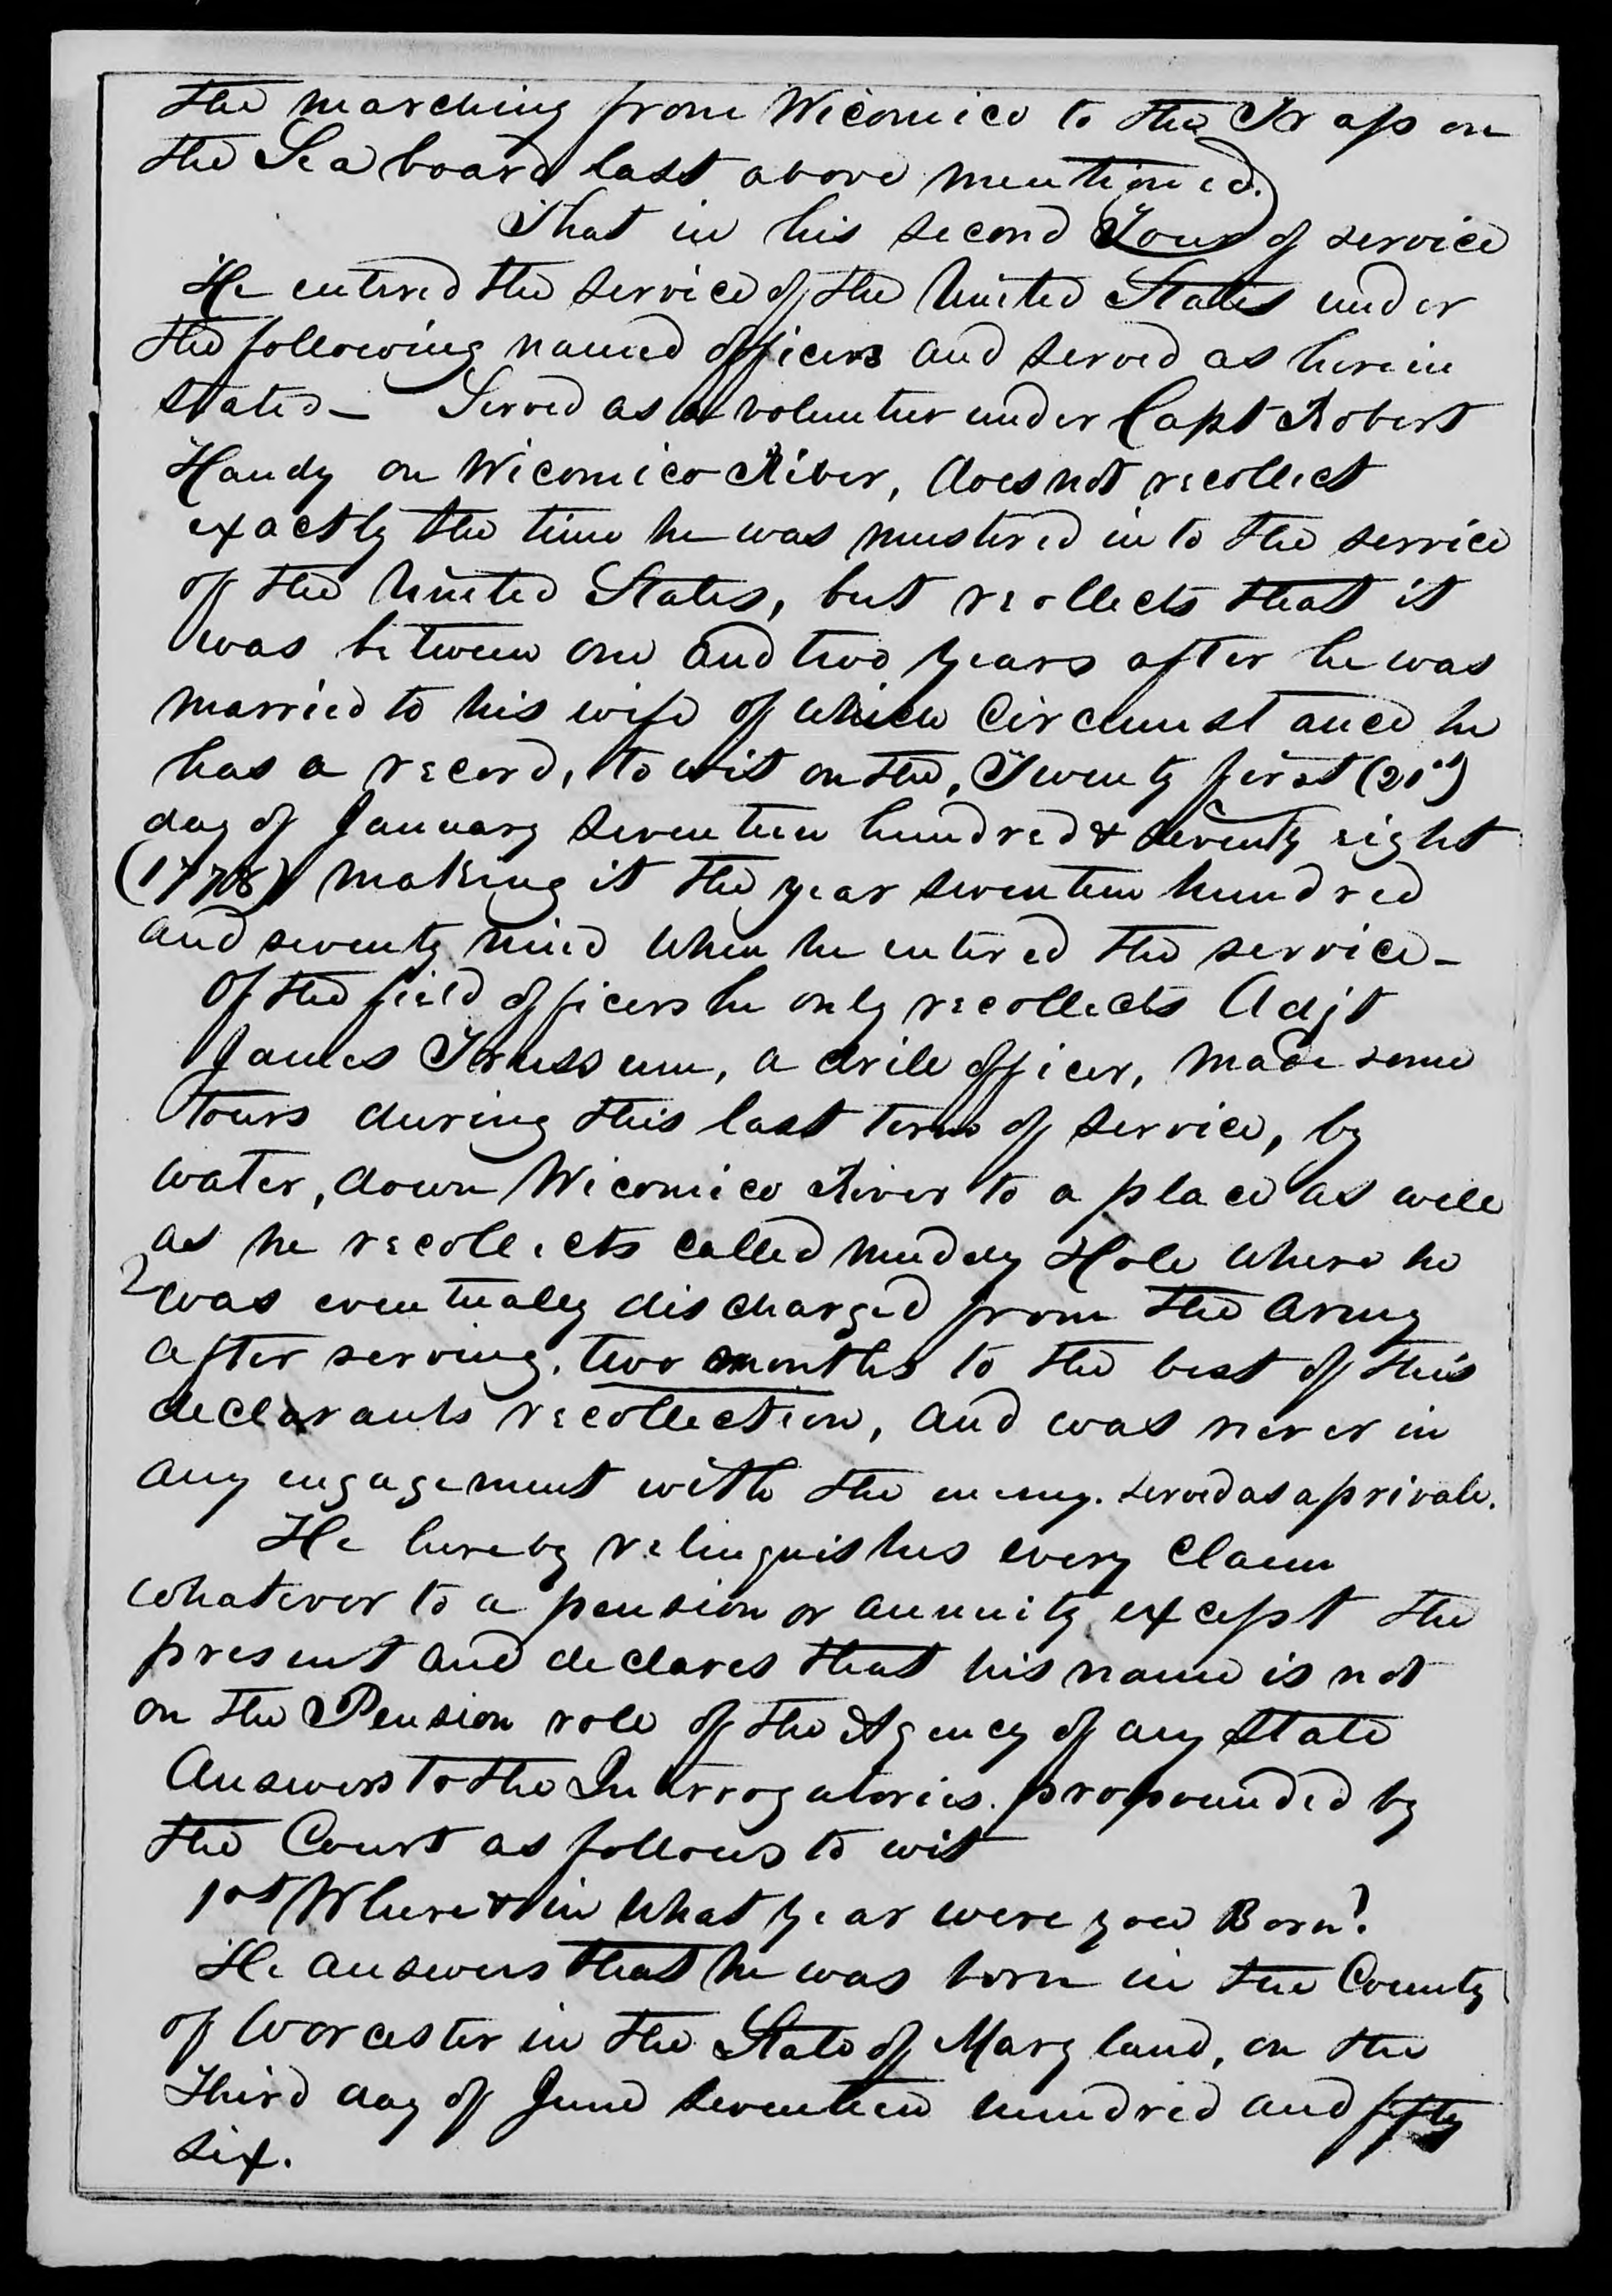the marching from Wicomico to the Trap on
the Sea board last above mentioned
That in his second tour of service
He entered the service of the United States under the
following named officers and served as herein
stated __ Served as a volunteer under Capt Robert Handy on Wicomico River, does not recollect
exactly the time he was mustered in to the service
of the United States, but recollects that it
was between one and two years after he was
married to his wife of which circumstance he
has a record, to wit on the Twenty first (21st)
day of January Seventeen hundred & seventy eight
(1778) making it the year seventeen hundred
and seventy nine when he entered the service of
the field officers he only recollects Adjt
James Trussum, a drill officer, made some
tours during this last term of service, by
water, down Wicomico River to a place as will
as he recollects called Muddy Hole where he
was eventually discharged from the army after
serving two months to the best of this
declarants recollection, and was never in
any engagement with the enemy. Served as a private
He hereby relinquishes every claim
whatever to a pension or annuity except the
present and declares that his name is not
on the Pension role of the Agency of any State
Answers to the Interrogatories propounded by
the Court as follows to wit
1st Where & in what year were you born
He answers that he was born in the County
of Worcester in the State of Maryland, on the
Third day of June Seventeen hundred and fifty
Six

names: James Trussum, Robert Handy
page: 4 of 14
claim: rejected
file: R. 2,877, Josiah Dennis, Md.